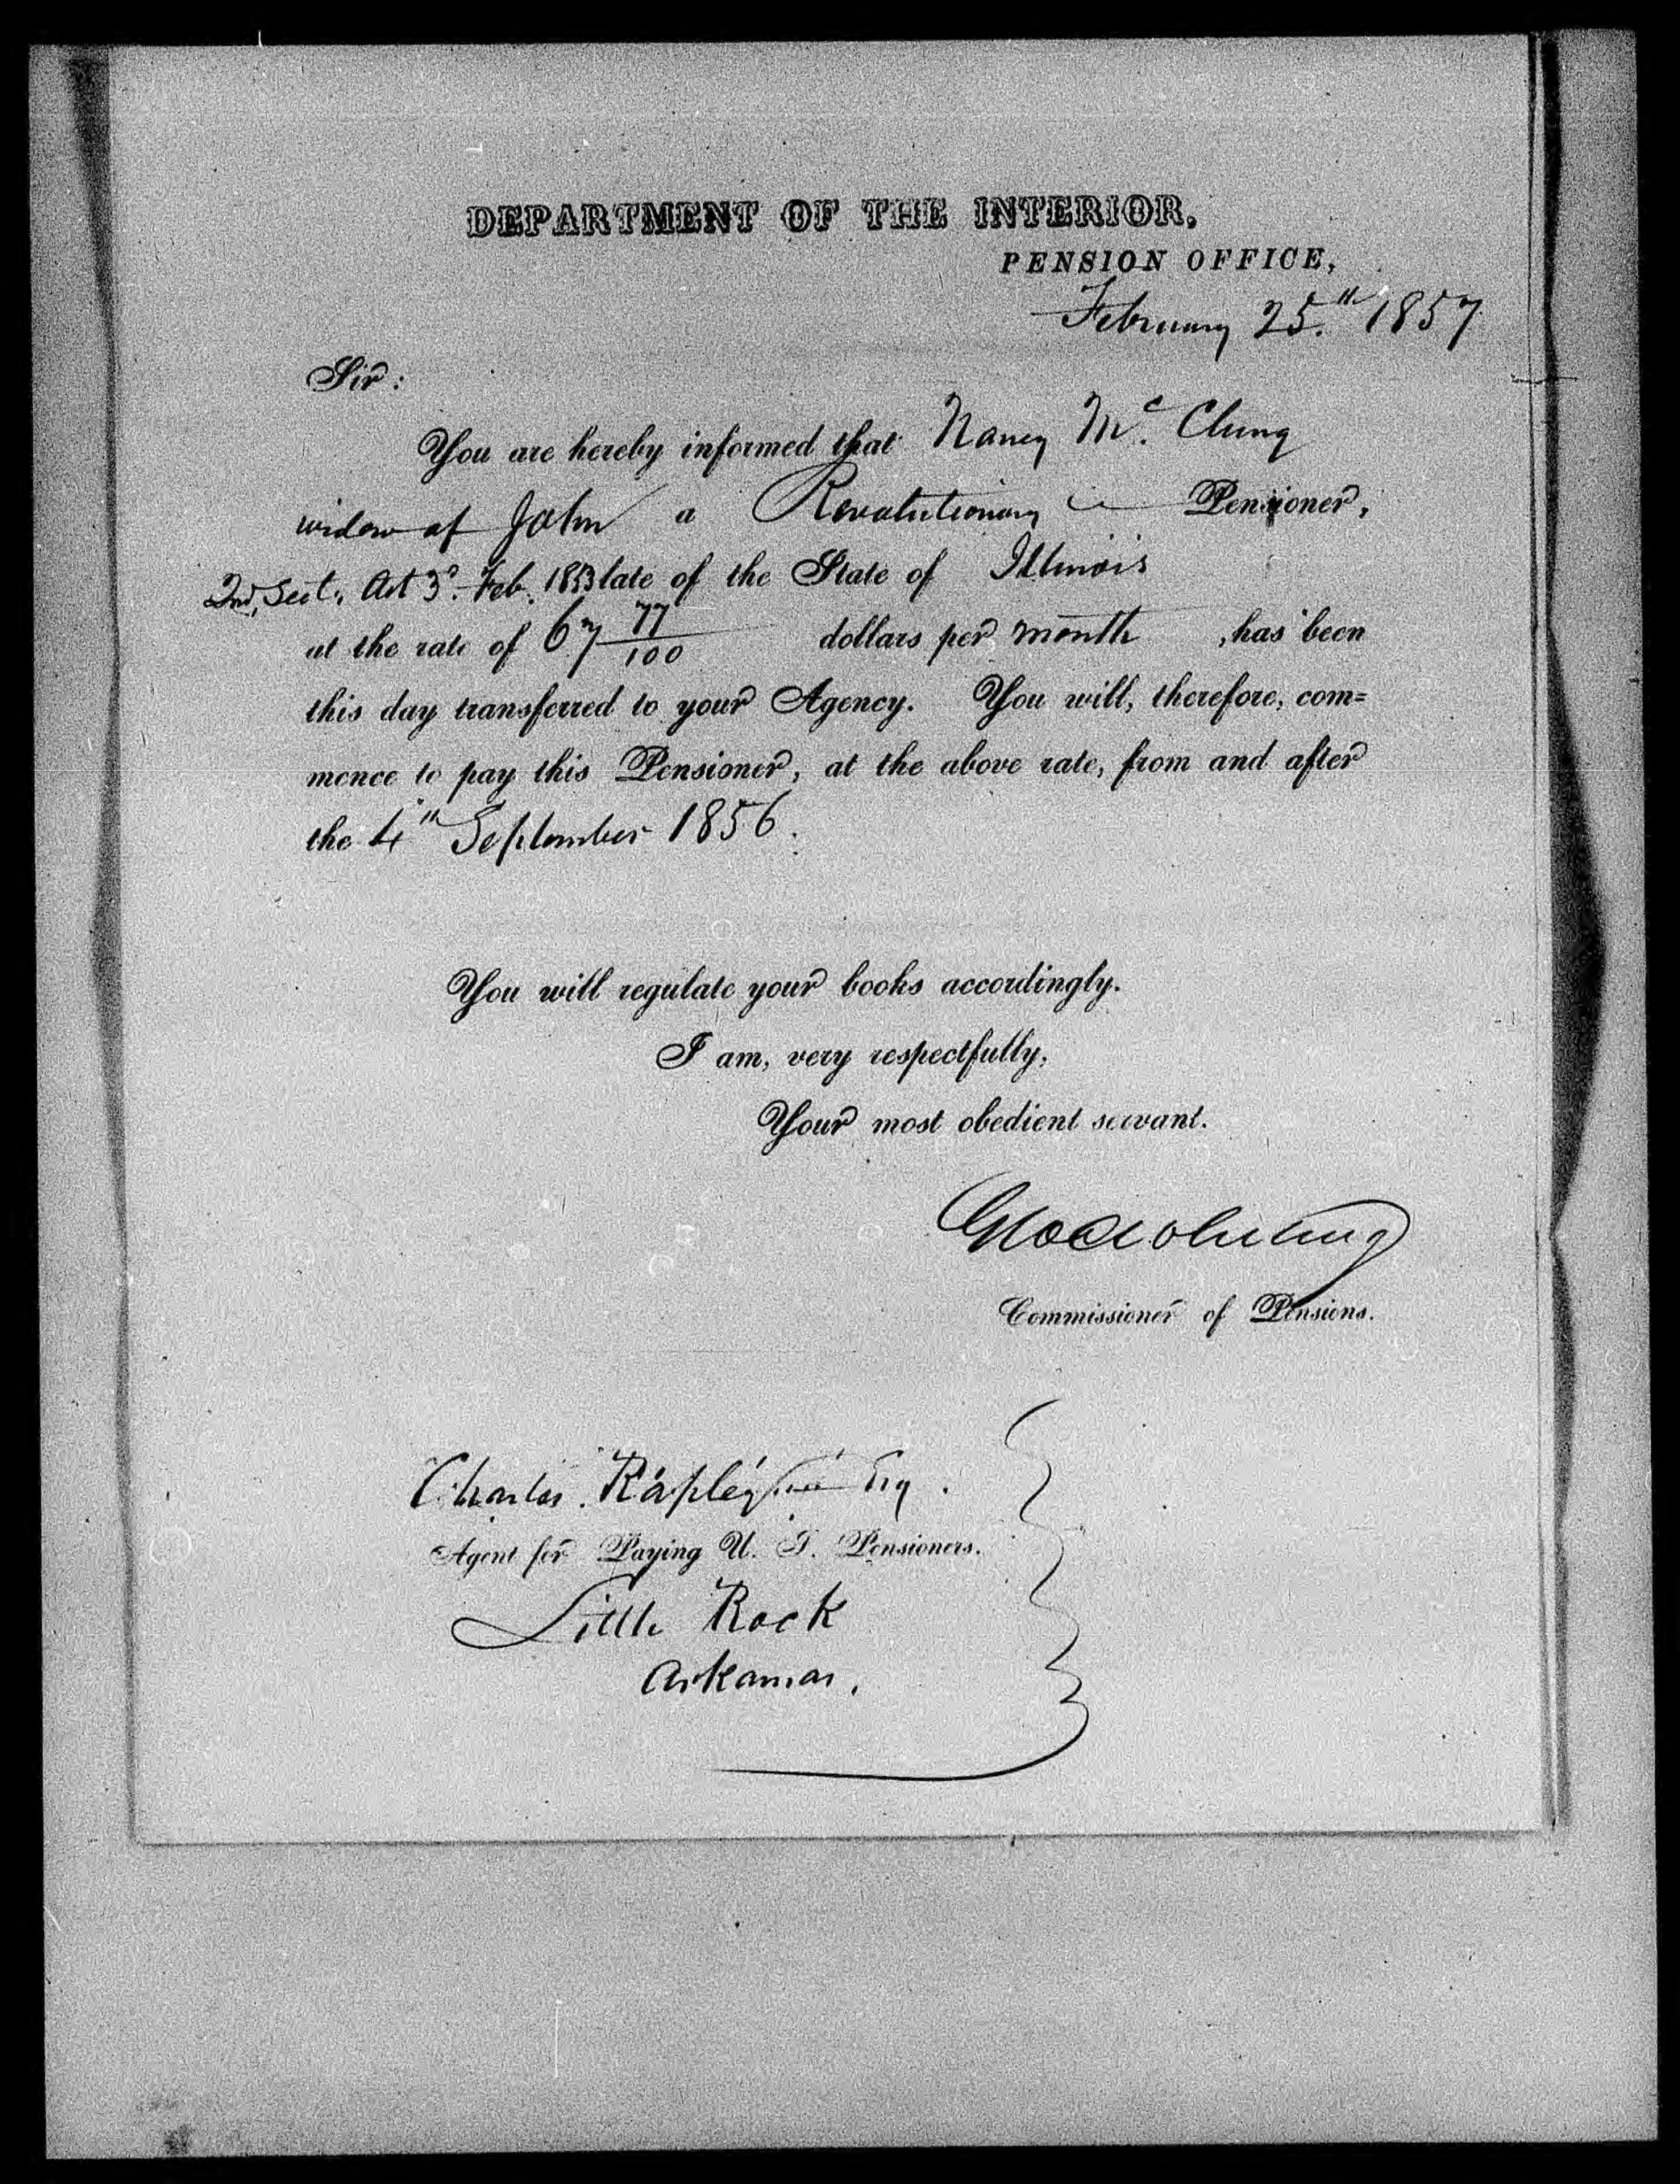DEPARTMENT OF THE INTERIOR,
PENSION OFFICE,
February 25. 1857

Sir:
You are hereby informed that Nancy McClung widow of John a Revolutionary Pensioner 2nd Sec Act 3d Feb 1853 late of the State of Illinois at the rate of 67 77/100 dollars per month has been this day transferred to your Agency. You will, therefore, commence to pay this Pensioner, at the above rate from and after the 4th September 1856

You will regulate your books accordingly

I am, very respectfully
Your most obedient servant
Geo C Whiting
Commissioner of Pensions

Charles Rapley Esq
Agent for paying U.S. Pensioners
Little Rock Arkansas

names: [BLANK] Mc Clung; Geo C Whiting; Charles Rapley; John [BLANK]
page: 101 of 115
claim: widow's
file: W. 1446, for John Mc Clung, South Carolina